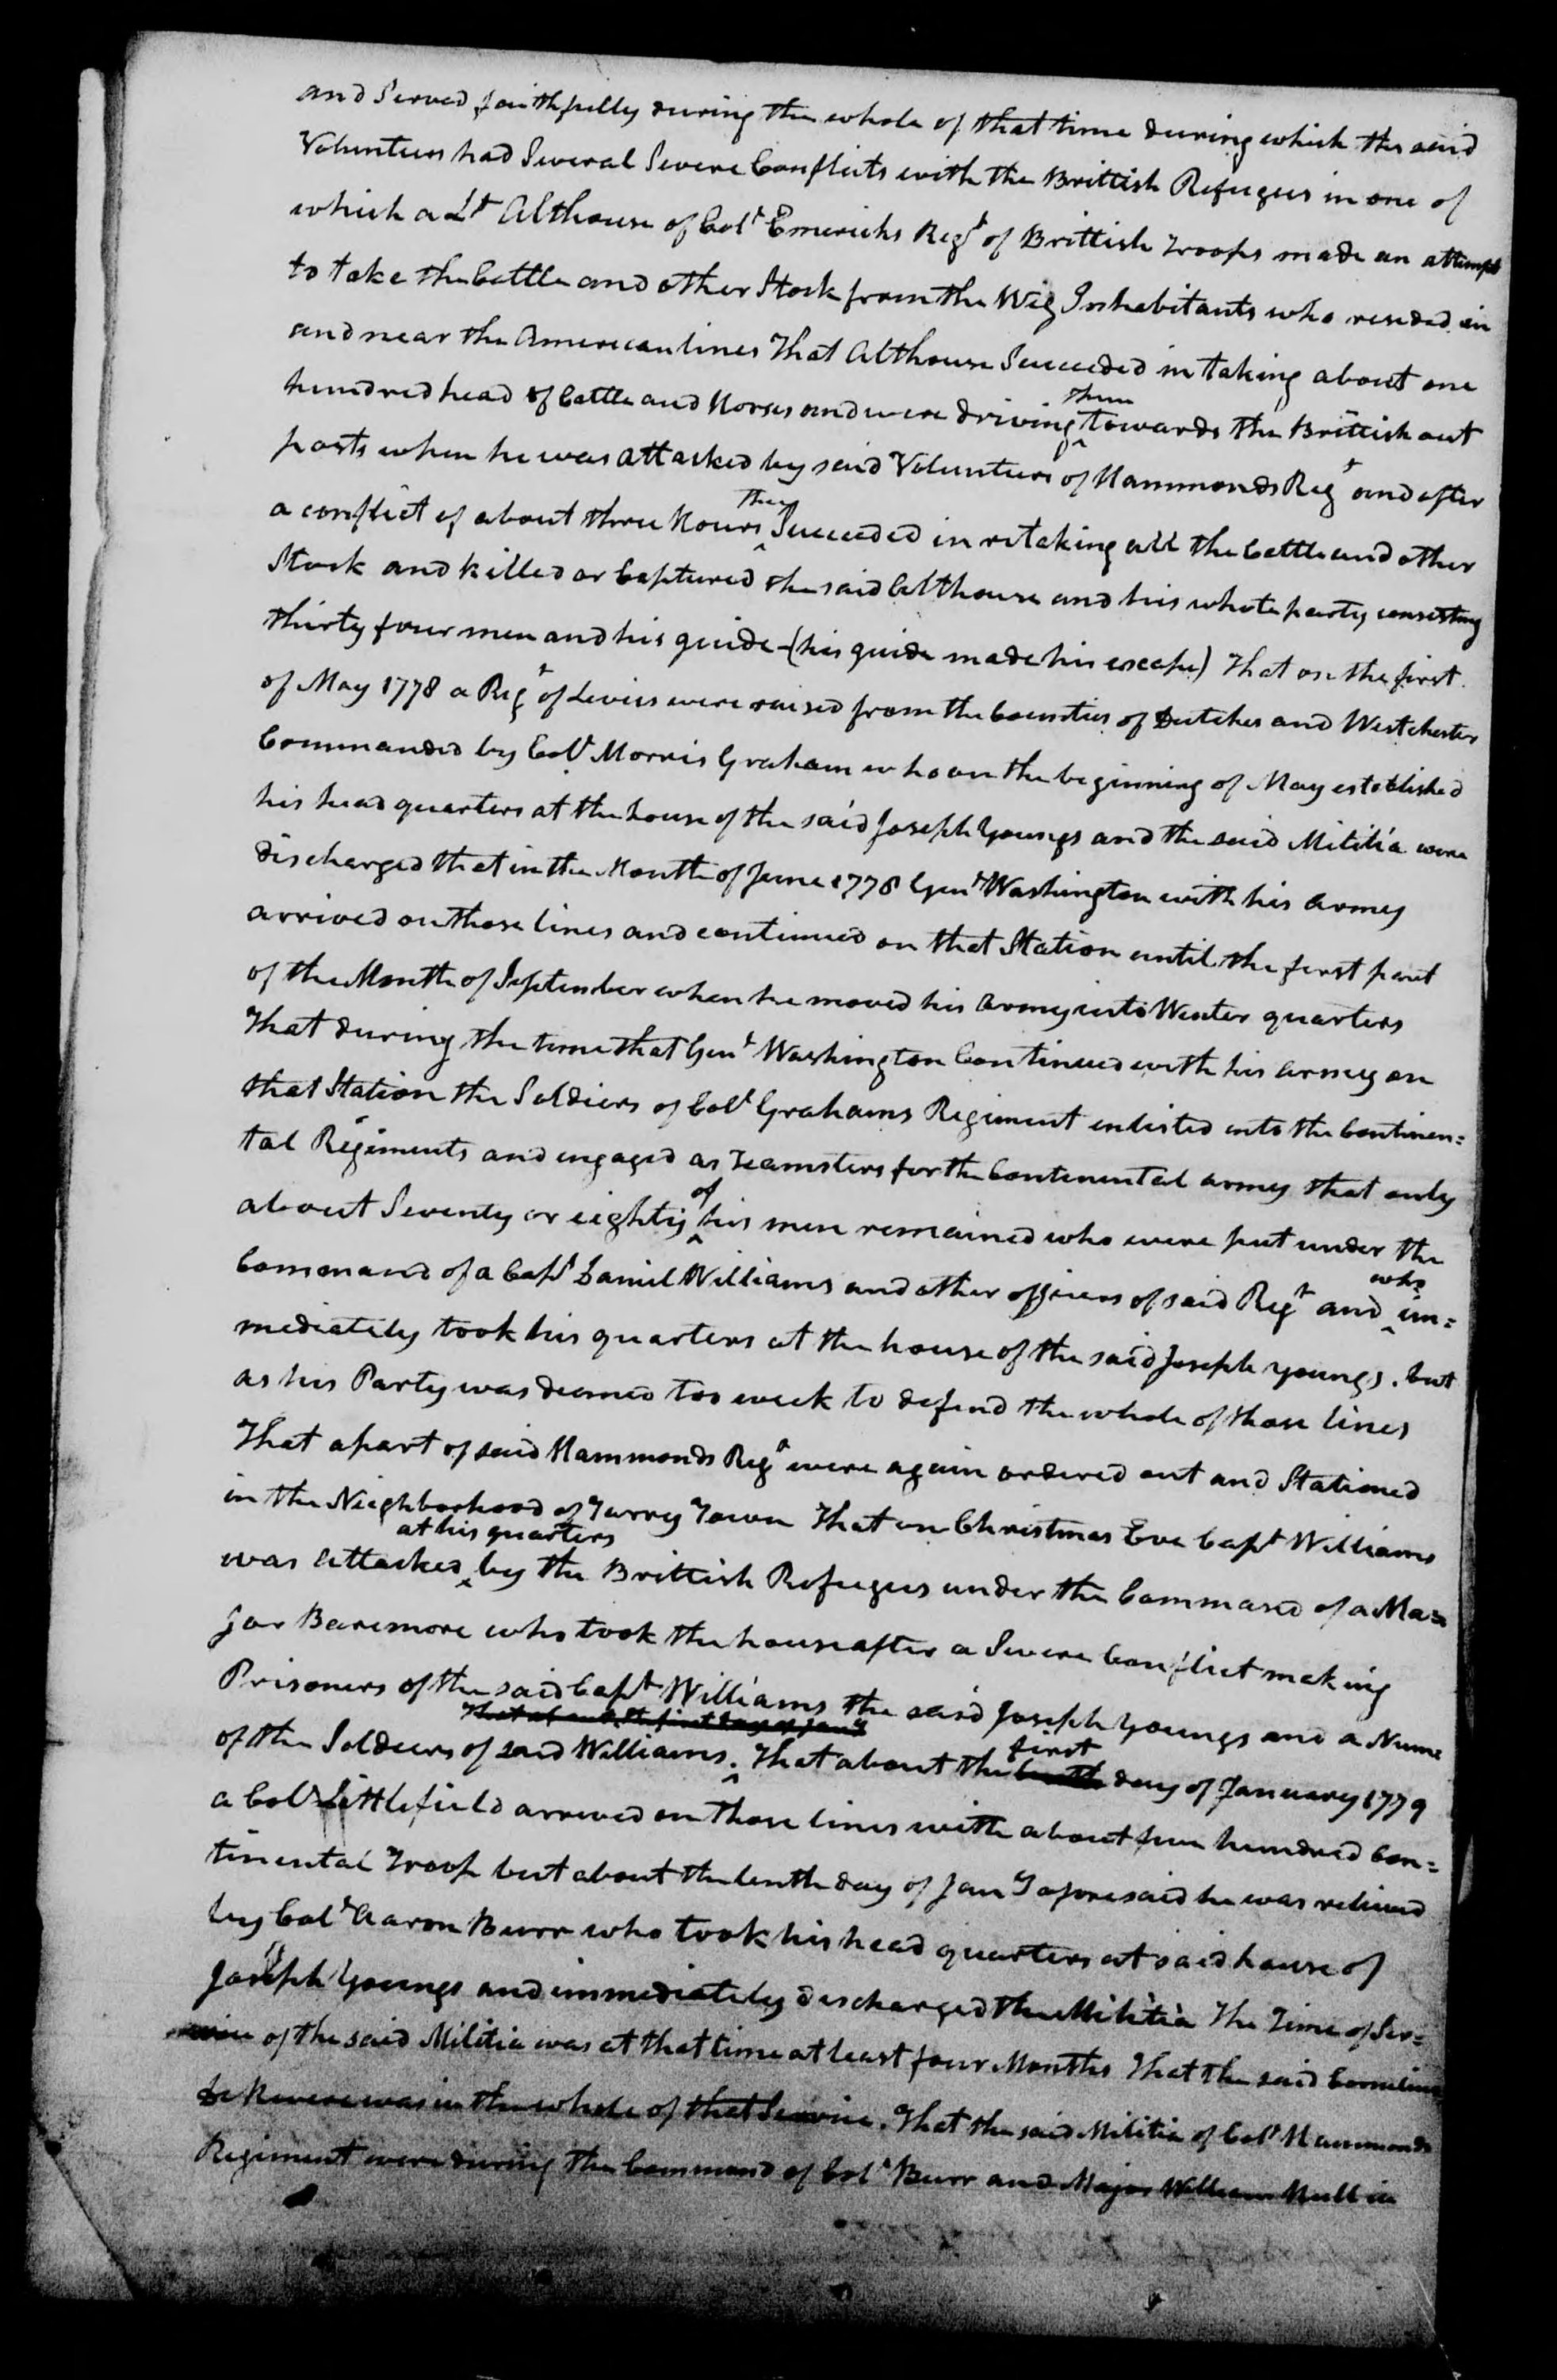and served faithfully during the whole of that time during which the said volunters had several severe conflicts with the British Refugees in one of which at Lt Althouse of Col Emerick's Regt of British troops made an attempt to take the cattle and other stock from the Whig Inhabitants who resided in and near the American lines. 

That Althouse succeeded in taking about one hundred head of cattle and horses and were driving them towards the British [out parts] when he was attacked by said volunteers of Hammond's Regt and after a conflict of about three hours they succeeded in retaking all the cattle and other stock and killed or captured the said Althouse and his whole party consisting thirty four men and his guide - (his guide made his escape). 

That on the first of May 1778 a Regt of Levies were raised from the Counties of Dutchess and Westchester Commanded by Col Morris Graham who on the beginning of May established his headquarters at the house of the said Joseph Youngs and the said Militia were discharged. 

That in the month of June 1778 Gen Washington with his army arrived on these lines and continued on that station until the first part of the month of September when he moved his army into Winter quarters. That during the time that Genl Washington continued with his army on that station the soldiers of Col Graham's Regiment enlisted into the Continental Regiments and engaged as teamsters for the Continental Army. 

That only about seventy or eighty of his men remained who were put under the command of a Capt Daniel Williams and other officers of said Regt and who immediately took his quarters at the house of the said Joseph Youngs but as his party was deemed too weak to defend the whole of those lines. 

That apart of said Hammond's Regt were again ordered out and stationed in the neighborhood of Tarry Town. 

That on Christmas Eve Capt Williams was attacked at his quarters by the British Refugees under the command of a Major Baremore who took the house after a severe conflict making prisoners of the said Capt Williams the said Joseph Youngs and a [number] of the soldiers of said Williams. 

That about the first day of January 1779 a Col Littlefield arrived on these lines with about six hundred Continental troops but about the tenth day of Jany aforesaid he was relieved by Col Aaron Burr who took his head quarters at said house of Joseph Youngs and immediately discharged the Militia. The time of service of the said Militia was at that time at least four months. 

That the said Cornelius DeRevere was in the whole of that service. That the said Militia of Cal Hammond's Regiment were during the command of Col Burr and Major William Mullin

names: Baremore, Althouse, Williams, Williams, Joseph Youngs, Washington, Joseph Youngs, William Hull, Cornelius De Revere, Morris Graham, Littlefield, Daniel Williams, Joseph Youngs, Washington, Aaron Burr, Burr, Althouse, Joseph Youngs, Althouse, Williams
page: 7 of 40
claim: widow's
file: W. 24057, Cornelius De Revere, New York